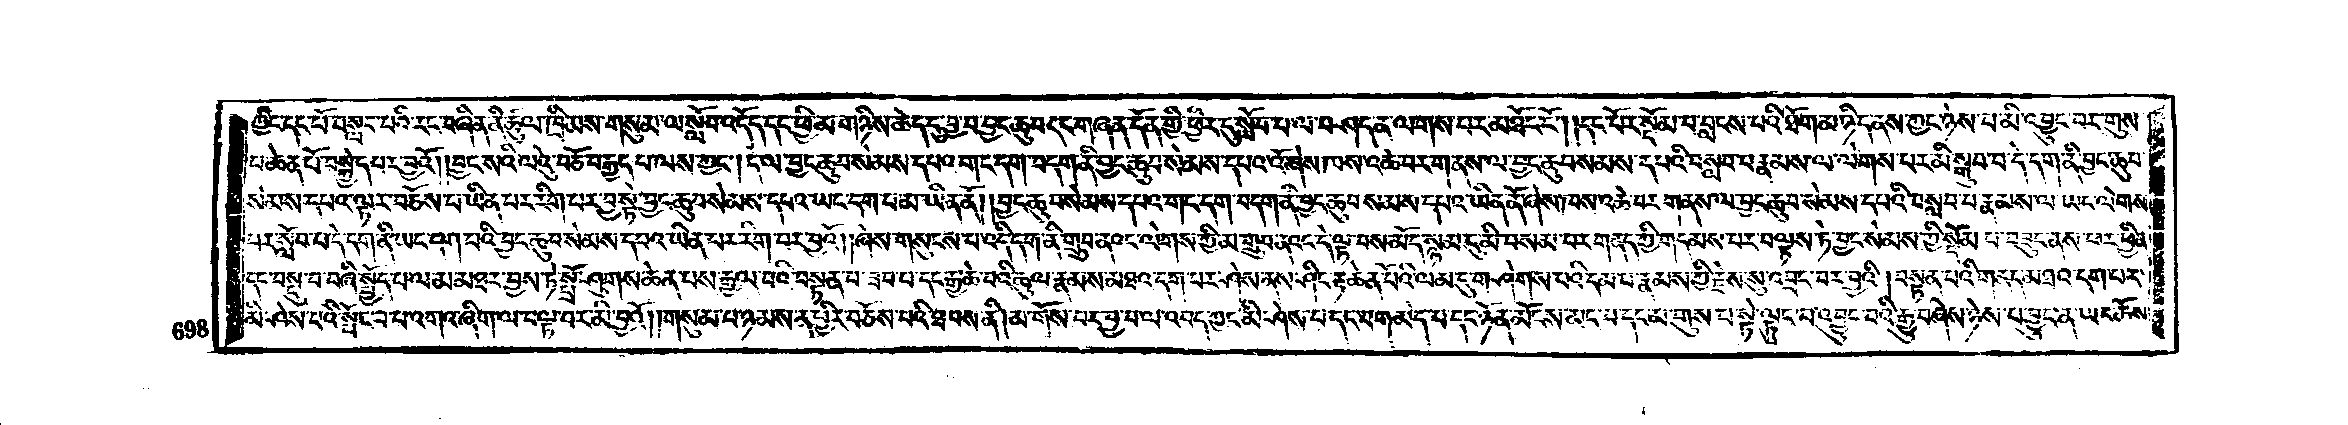ཀྱིད་?་དང་པོ་བསླང་པའི་རང་བཞིན་ནི་ཚུལ་ཁྲིམས་གསུམ་ལ་སློབ་འདོད་དང་ཕྱི་མ་གཉིས་ཆེད་དུ་བྱ་བ་བྱང་ཆུབ་དང་གཞན་དོན་གྱི་ཕྱིར་དུ་སློབ་པ་ལ་བཤད་ན་ལགས་པར་མཐོང་ངོ། །དང་པོར་སྡོམ་པ་བླངས་པའི་ཐོག་མ་ཉིད་ནས་ཀྱང་ཉེས་པ་མི་འབྱུང་བར་གུས་
པ་ཆེན་པོ་བསྐྱེད་པར་བྱའོ། །བྱང་སའི་ལེའུ་བཅོ་བརྒྱད་པ་ལས་ཀྱང་། དེ་ལ་བྱང་ཆུབ་སེམས་དཔའ་གང་དག་བདག་ནི་བྱང་ཆུབ་སེམས་དཔའ་འོ་ཞེས་ཁས་འཆེ་བར་གནས་ལ་བྱང་ཆུབ་སེམས་དཔའི་བསླབ་པ་རྣམས་ལ་ལེགས་པར་མི་སྒྲུབ་པ་དེ་དག་ནི་བྱང་ཆུབ་
སེམས་དཔའ་ལྟར་བཅོས་པ་ཡིན་པར་རིག་པར་བྱ་སྟེ་བྱང་ཆུབ་སེམས་དཔའ་ཡང་དག་པ་མ་ཡིན་ནོ། །བྱང་ཆུབ་སེམས་དཔའ་གང་དག་བདག་ནི་བྱང་ཆུབ་སེམས་དཔའ་ཡིན་ནོ་ཞེས་ཁས་འཆེ་བར་གནས་ལ་བྱང་ཆུབ་སེམས་དཔའི་བསླབ་པ་རྣམས་ལ་ཡང་ལེགས་
པར་སློབ་པ་དེ་དག་ནི་ཡང་དག་པའི་བྱང་ཆུབ་སེམས་དཔའ་ཡིན་པར་རིག་པར་བྱའོ། །ཞེས་གསུངས་པ་འདི་དག་ནི་གྲུབ་ནའང་ལེགས་ཀྱི་མ་གྲུབ་ནའང་དེ་ལྟ་བས་མོད་སྙམ་དུ་མི་བསམ་པར་གནད་ཀྱི་གདམས་པར་བལྟས་ཏེ་བྱང་སེམས་ཀྱི་སྡོམ་པ་བཟུང་ནས་ཕར་ཕྱིན་
དང་བསྡུ་བ་བཞི་སྤྱོད་པ་ལ་མ་མཐར་བྱས་ཏེ་སྤྲོ་ཤུགས་ཆེན་པས་རྒྱལ་བའི་བསྟན་པ་ཟབ་པ་དང་རྒྱ་ཆེ་བའི་ཚུལ་རྣམས་མཐའ་དག་པར་ཤེས་ནས་ཤིང་རྟ་ཆེན་པོའི་ལམ་དུ་གཤེགས་པའི་དམ་པ་རྣམས་ཀྱི་རྗེས་སུ་འབྲང་བར་བྱའི། བསྟན་པའི་གནད་མཐའ་དག་པར་
མི་ཤེས་པའི་སྤོང་བ་པ་འགའ་ཞིག་ལ་བལྟ་བར་མི་བྱའོ། །གསུམ་པ་ཉམས་ན་ཕྱིར་བཅོས་པའི་ཐབས་ནི། མ་གོས་པར་བྱ་བ་ལ་འབད་ཀྱང་མི་ཤེས་པ་དང་བག་མེད་པ་དང་ཉོན་མོངས་མང་པ་དང་མ་གུས་པ་སྟེ་ལྟུང་བ་འབྱུང་བའི་རྒྱུ་བཞེས་ཉེས་པ་བྱུང་ན་ཡང་ཆོས་